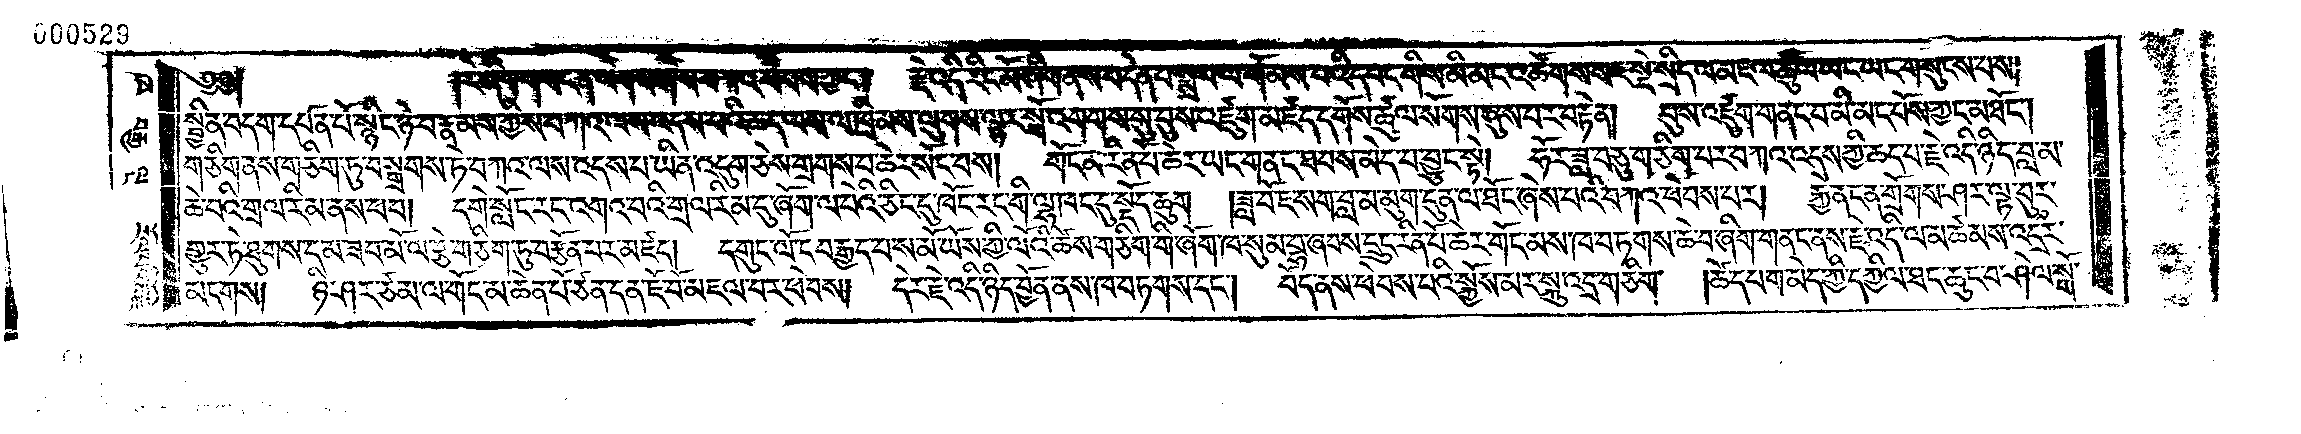༄༅། །རེ་ཞིག་གསང་ན་ལེགས་ཞེས་བཀའ་ཕེབས་ཀྱང་། རྗེ་འདི་རིང་མོ་ཞིག་ནས་བདེན་པ་སྨྲ་བ་ལ་གོམས་པའི་དབང་གིས་མི་མང་འཚོགས་སར་སྡེ་སྲིད་ལ་མཇལ་ཚུལ་ཡང་ཡང་གསུངས་པས།
སྦྱིན་བདག་དཔོན་པོ་སྙིང་ཉེ་བ་རྣམས་ཀྱིས་བཀའ་ལས་འདས་པའི་ཆད་ལས་ལ་ཁྲིམས་ལུགས་ལྟར་སྒོ་འགགས་སུ་བུས་འཛུག་མཛད་དགོས་ཚུལ་སོགས་ཞུས་པར་བརྟེན། པུས་འཛུག་གནང་བ་མི་མང་པོས་ཀྱང་མཐོང་།
གཅིག་ནས་གཅིག་ཏུ་བསྒྲགས་ཏེ་བཀའ་ལས་འདས་པ་ཡིན་འདུག་ཅེས་གྲགས་པ་ཆེར་སོང་བས། གོང་མ་རིན་པོ་ཆེར་ཡང་གནང་ཐབས་མེད་པ་བྱུང་སྟེ། ཧོར་ཟླ་བཅུ་གཅིག་པར་བཀའ་འདས་ཀྱི་ཆད་པ་རྗེ་འདི་ཉིད་བླ་མ་
ཆེ་བའི་གྲལ་རིམ་ནས་ཕབ། དགེ་སློང་རང་འགའ་བའི་གྲལ་རིམ་དུ་ཞོག་ལ་པེའི་ཅིང་དུ་ཁོང་རང་གི་ལྷ་ཁང་དུ་སྡོད་ཆུག །ཟླ་བོ་ཇ་ས་ག་བླ་མ་མུག་དུན་ལ་ཐོང་ཞེས་པའི་བཀའ་ཕེབས་པར། རྐྱེན་ངན་གྲོགས་ཤར་ལྟ་བུར་
གྱུར་ཏེ་ཐུགས་དམ་ཟབ་མོ་ལ་རྩེ་གཅིག་ཏུ་བརྩོན་པར་མཛད། དགུང་ལོ་ང་བརྒྱད་པ་ས་མོ་ཡོས་ཀྱི་ལོའི་ཚེས་གཅིག་གི་ཞོག་ཁ་སུམ་བྷ་ཞབས་དྲུང་རིན་པོ་ཆེར་གོང་མས་ཁ་བཏགས་ཆེ་བ་ཞིག་གནང་ནས་རྗེ་འདི་ལ་མཚམས་འདྲྀར?
མངགས། ཉི་ཤར་ཙམ་ལ་གོང་མ་ཆེན་པོ་ཙན་དན་ཇོ་བོ་མཇལ་བར་ཕེབས། དེར་རྗེ་འདི་ཉིད་བྱོན་ནས་ཁ་བཏགས་དང་། བོད་ནས་ཕེབས་པའི་སྐྱོས་མར་སྐུ་འདྲ་གཅིག །ཚེ་དཔག་མེད་ཀྱི་དཀྱིལ་ཐང་ཆུང་བ་ཤེལ་སྒོ་